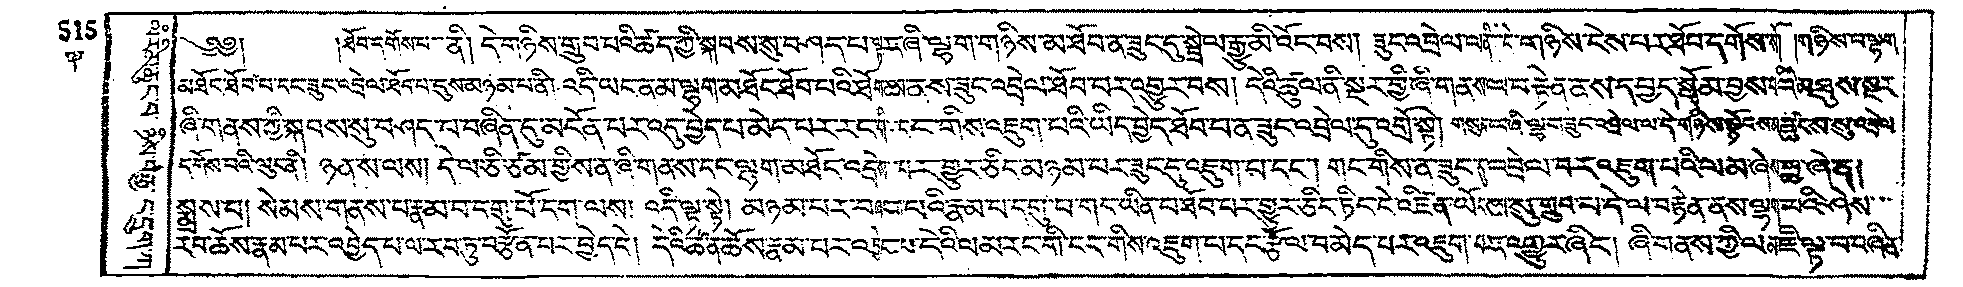༄༅། །ཐོབ་དགོས་པ་ནི། དེ་གཉིས་གྲུབ་པའི་ཚད་ཀྱི་སྐབས་སུ་བཤད་པ་ལྟར་ཞི་ལྷག་གཉིས་མ་ཐོབ་ན་ཟུང་དུ་སྦྲེལ་རྒྱུ་མི་འོང་བས། ཟུང་འབྲེལ་ལ་ནི་དེ་གཉིས་ངེས་པར་ཐོབ་དགོས་སོ། །གཉིས་པ་ལྷག་
མཐོང་ཐོབ་པ་དང་ཟུང་འབྲེལ་ཐོབ་པ་དུས་མཉམ་པ་ནི། འདི་ཡང་ནམ་ལྷག་མཐོང་ཐོབ་པའི་ཐོག་མ་ནས་ཟུང་འབྲེལ་ཐོབ་པར་འགྱུར་བས། དེའི་ཚུལ་ནི་སྔར་གྱི་ཞི་གནས་ལ་བརྟེན་ནས་དཔྱད་སྒོམ་བྱས་པའི་མཐུས་སྔར་
ཞི་གནས་ཀྱི་སྐབས་སུ་བཤད་པ་བཞིན་དུ་མངོན་པར་འདུ་བྱེད་པ་མེད་པར་རང་གི་ངང་གིས་འཇུག་པའི་ཡིད་བྱེད་ཐོབ་པ་ན་ཟུང་འབྲེལ་དུ་འགྲོ་སྟེ། གསུམ་པ་ཞི་ལྷག་ཟུང་འབྲེལ་ལ་དེ་གཉིས་སྟོབས་མཚུངས་སུ་འབྲེལ་
དགོས་པའི་ལུང་ནི། ཉན་ས་ལས། དེ་ལ་ཅི་ཙམ་གྱིས་ན་ཞི་གནས་དང་ལྷག་མཐོང་འདྲེས་པར་གྱུར་ཅིང་མཉམ་པར་ཟུང་དུ་འཇུག་པ་དང་། གང་གིས་ན་ཟུང་དུ་འབྲེལ་བར་འཇུག་པའི་ལམ་ཞེས་བྱ་ཞེ་ན།
སྨྲས་པ། སེམས་གནས་པ་རྣམ་པ་དགུ་པོ་དག་ལས། འདི་ལྟ་སྟེ། མཉམ་པར་བཞག་པའི་རྣམ་པ་དགུ་པ་གང་ཡིན་པ་ཐོབ་པར་གྱུར་ཅིང་ཏིང་ངེ་འཛིན་ཡོངས་སུ་གྲུབ་པ་དེ་ལ་བརྟེན་ནས་ལྷག་པའི་ཤེས་
རབ་ཆོས་རྣམ་པར་འབྱེད་པ་ལ་རབ་ཏུ་བརྩོན་པར་བྱེད་དེ། དེའི་ཚེ་ན་ཆོས་རྣམ་པར་འབྱེད་པ་དེའི་ལམ་རང་གི་ངང་གིས་འཇུག་པ་དང་རྩོལ་བ་མེད་པར་འཇུག་པར་འགྱུར་ཞིང་། ཞི་གནས་ཀྱི་ལམ་ཇི་ལྟ་བ་བཞིན་